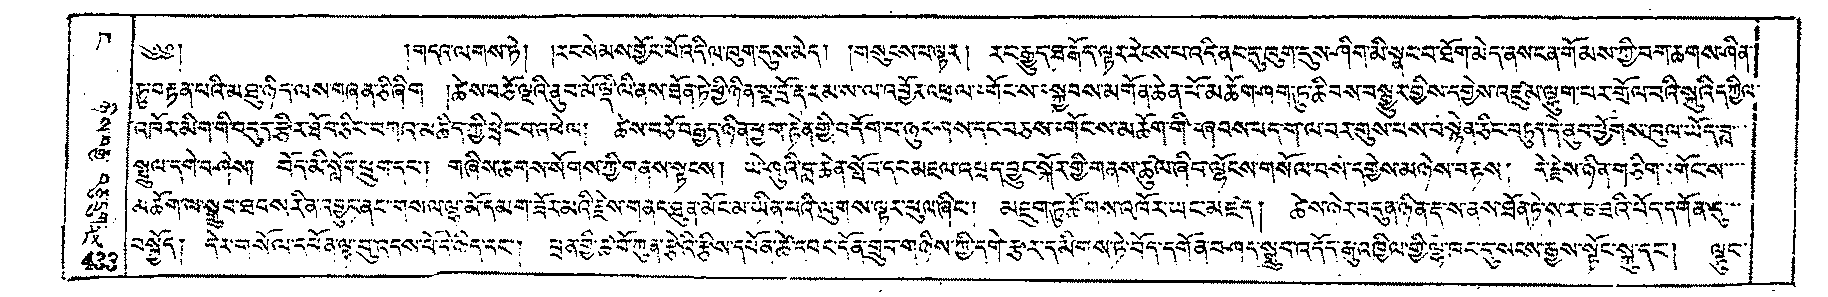༄༅། །གདའ་ལགས་ཏེ། །རང་སེམས་གྱོང་པོ་འདི་ལ་ཁུག་དུས་མེད། །གསུངས་པ་ལྟར། རང་རྒྱུད་ཐ་རྒོད་ལྟར་རེངས་པ་འདི་ནང་དུ་ཁུག་དུས་ཤིག་མི་སྣང་བ་ཐོག་མེད་ནས་ངན་གོམས་ཀྱི་བག་ཆགས་ཤིན་
ཏུ་བརྟན་པའི་མཐུ་ཉིད་ལས་གཞན་ཅི་ཞིག །ཚེས་བཅོ་ལྔའི་ནུབ་མོ་ལྡི་ལི་ནས་ཐོན་ཏེ་ཕྱི་ཉིན་སྔ་དྲོ་རྡ་རམ་ས་ལ་འབྱོར་འཕྲལ་༧གོང་ས་༧སྐྱབས་མགོན་ཆེན་པོ་མཆོག་ཤག་ཏུ་ཆིབས་བསྒྱུར་གྱིས་དགྱེས་འཛུམ་ལྷུག་པར་གྲོལ་བའི་སྐུའི་དཀྱིལ་
འཁོར་མིག་གི་བདུད་རྩིར་ཐོབ་ཅིང་བཀའ་མཆིད་ཀྱི་ཕྲེང་བ་འཕེལ། ཚེས་བཅོ་བརྒྱད་ཉིན་ཕྱག་རྟེན་གྱི་བདོག་པ་ཉུང་ཤས་དང་བཅས་༧གོང་ས་མཆོག་གི་༧ཞབས་པད་ག་ལ་བར་གུས་པས་བསྙེན་ཅིང་བཏུད་དེ་ནུབ་ཕྱོགས་ཁུལ་ཡོད་བླ་
སྤྲུལ་དགེ་བཤེས། བོད་མི་སློབ་ཕྲུག་དང་། གཞིས་ཆགས་སོགས་ཀྱི་གནས་སྟངས། ཡེ་ཤུའི་བླ་ཆེན་སྤོབ་དང་མཇལ་འཕྲད་བྱུང་སྐོར་གྱི་གནས་ཚུལ་ཞིབ་ལྷོངས་གསོལ་བས་དགྱེས་མཉེས་བརྟས། དེ་རྗེས་ཉིན་གཅིག་༧གོང་ས་
མཆོག་ལ་སྒྲུབ་ཐབས་རིན་འབྱུང་ནང་གསལ་ལྷ་མོ་དམག་ཟོར་མའི་རྗེས་གནང་ཐུན་མོང་མ་ཡིན་པའི་ལུགས་ལྟར་ཕུལ་ཞིང་། མཇུག་ཏུ་ཚོགས་འཁོར་ཡང་མཛད། ཚེས་ཉེར་བདུན་ཉིན་རྡ་ས་ནས་ཐོན་ཏེ་ས་ར་ཎ་ཐའི་པོད་དགོན་དུ་
བསྐྱོད། དེར་གསོལ་དཔོན་ལྷ་བུ་འདས་པོ་དེ་ཉིད་དང་། ཕྲན་གྱི་ཚ་བོ་ཀུན་རྩེའི་རྩིས་དཔོན་ཚེ་དབང་དོན་གྲུབ་གཉིས་ཀྱི་དགེ་རྩར་དམིགས་ཏེ་བོད་དགོན་བཤད་སྒྲུབ་འདོད་རྒུ་འཁྱིལ་གྱི་ལྷ་ཁང་དུ་སངས་རྒྱས་སྟོང་སྐུ་དང་། ལྟུང་